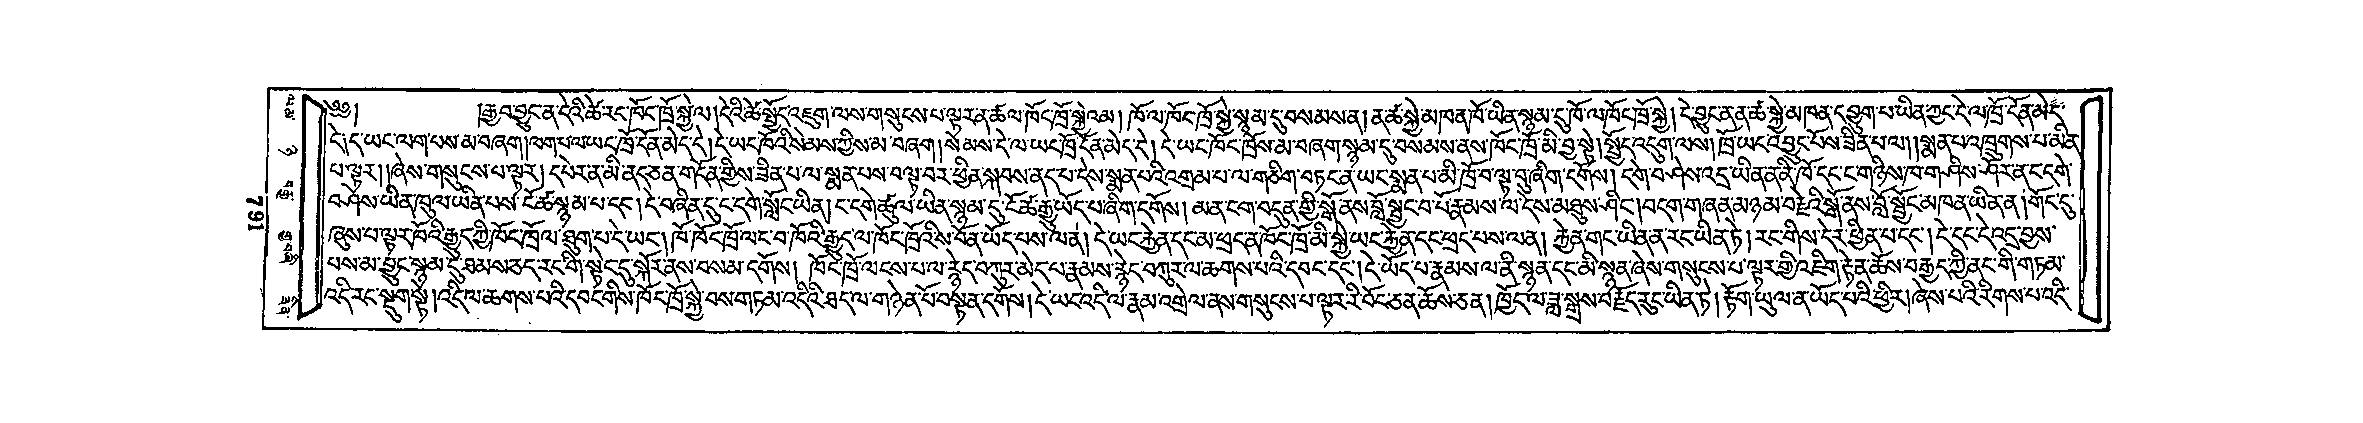༄༅། །རྒྱབ་བྱུང་ན་དེའི་ཚེ་རང་ཁོང་ཁྲོ་སྐྱེ་ལ། དེའི་ཚེ་སྤྱོད་འཇུག་ལས་གསུངས་པ་ལྟར་ན་ཚལ་ཁོང་ཁྲོ་སྐྱེའམ། ཁོ་ལ་ཁོང་ཁྲོ་སྐྱེ་སྙམ་དུ་བསམས་ན། ན་ཚ་སྐྱེ་མཁན་ཁོ་ཡིན་སྙམ་དུ་ཁོ་ལ་ཁོང་ཁྲོ་སྐྱེ། དེ་བྱུང་ན་ན་ཚ་སྐྱེ་མཁན་དབྱུག་པ་ཡིན་ཀྱང་དེ་ལ་ཁྲོ་དོན་མེད་
དེ། ད་ཡང་ལག་པས་མ་བཞག །ལག་པ་ལ་ཡང་ཁྲོ་དོན་མེད་དེ། དེ་ཡང་ཁོའི་སེམས་ཀྱིས་མ་བཞག །སེམས་དེ་ལ་ཡང་ཁྲོ་དོན་མེད་དེ། དེ་ཡང་ཁོང་ཁྲོས་མ་བཞག་སྙམ་དུ་བསམས་ནས་ཁོང་ཁྲོ་མི་བྱ་སྟེ། སྤྱོད་འདུག་ལས། ཁྲོ་ཡང་འབྱུང་པོས་ཟིན་པ་ལ། །སྨན་པ་འཁྲུགས་པ་མིན་
པ་ལྟར། །ཞེས་གསུངས་པ་ལྟར། དཔེར་ན་མི་ནད་ཅན་གདོན་གྱིས་ཟིན་པ་ལ་སྨན་པས་བལྟ་བར་ཕྱིན་སྐབས་ནད་པ་དེས་སྨན་པའི་འགྲམ་པ་ལ་གཅིག་བཏང་ན་ཡང་སྨན་པ་མི་ཁྲོ་བ་ལྟ་བུ་ཞིག་དགོས། དགེ་བཤེས་འདྲ་ཡིན་ན་ནི་ཁོ་དང་ང་གཉིས་ཁ་གཤིས་ཤོར་ན་ང་དགེ་
བཤེས་ཡིན་ཁུལ་ཡིན་པས་ངོ་ཚ་སྙམ་པ་དང་། དེ་བཞིན་དུ་ང་དགེ་སློང་ཡིན། ང་དགེ་ཚུལ་ཡིན་སྙམ་དུ་ངོ་ཚ་རྒྱུ་ཡོད་པ་ཞིག་དགོས། མན་ངག་བདུན་གྱི་སྒོ་ནས་བློ་སྦྱང་བ་པོ་རྣམས་ལ་དེས་མཐུས་ཤིང་། བདག་གཞན་མཉམ་བརྗེའི་སྒོ་ནས་བློ་སྦྱོང་མཁན་ཡིན་ན། གོང་དུ་
ཞུས་པ་ལྟར་ཁོའི་རྒྱུད་ཀྱི་ཁོང་ཁྲོལ་ཐུག་པ་དེ་ཡང་། ཁོ་ཁོང་ཁྲོ་ལང་བ་ཁོའི་རྒྱུད་ལ་ཁོང་ཁྲོའི་ས་བོན་ཡོད་པས་ལན། དེ་ཡང་རྐྱེན་དང་མ་ཕྲད་ན་ཁོང་ཁྲོ་མི་སྐྱེ་ཡང་རྐྱེན་དང་ཕྲད་པས་ལན། རྐྱེན་གང་ཡིན་ན་རང་ཡིན་ཏེ། རང་གིས་དེར་ཕྱིན་པ་དང་། དེ་དང་དེ་འདྲ་བྱས་
པས་མ་བྱུང་སྙམ་དུ་ཐམས་ཅད་རང་གི་སྟེང་དུ་སྐོར་ནས་བསམ་དགོས། ཁོང་ཁྲོ་ལངས་པ་ལ་རྙེད་བཀུར་མེད་པ་རྣམས་རྙེད་བཀུར་ལ་ཆགས་པའི་དབང་དང་། དེ་ཡོད་པ་རྣམས་ལ་ནི་སྙན་དང་མི་སྙན་ཞེས་གསུངས་པ་ལྟར་གྱི་འཇིག་རྟེན་ཆོས་བརྒྱད་ཀྱི་ནང་གི་གཏམ་
འདི་རང་སྡུག་སྟེ། འདི་ལ་ཆགས་པའི་དབང་གིས་ཁོང་ཁྲོ་སྐྱེ་བས་གཏམ་འདིའི་ཐད་ལ་གཉེན་པོ་བསྟན་དགོས། དེ་ཡང་འདི་ལ་རྣམ་འགྲེལ་ནས་གསུངས་པ་ལྟར་རི་བོང་ཅན་ཆོས་ཅན། ཁྱོད་ལ་ཟླ་སྒྲས་བརྗོད་རུང་ཡིན་ཏེ། རྟོག་ཡུལ་ན་ཡོད་པའི་ཕྱིར། ཞེས་པའི་རིགས་པ་འདི་